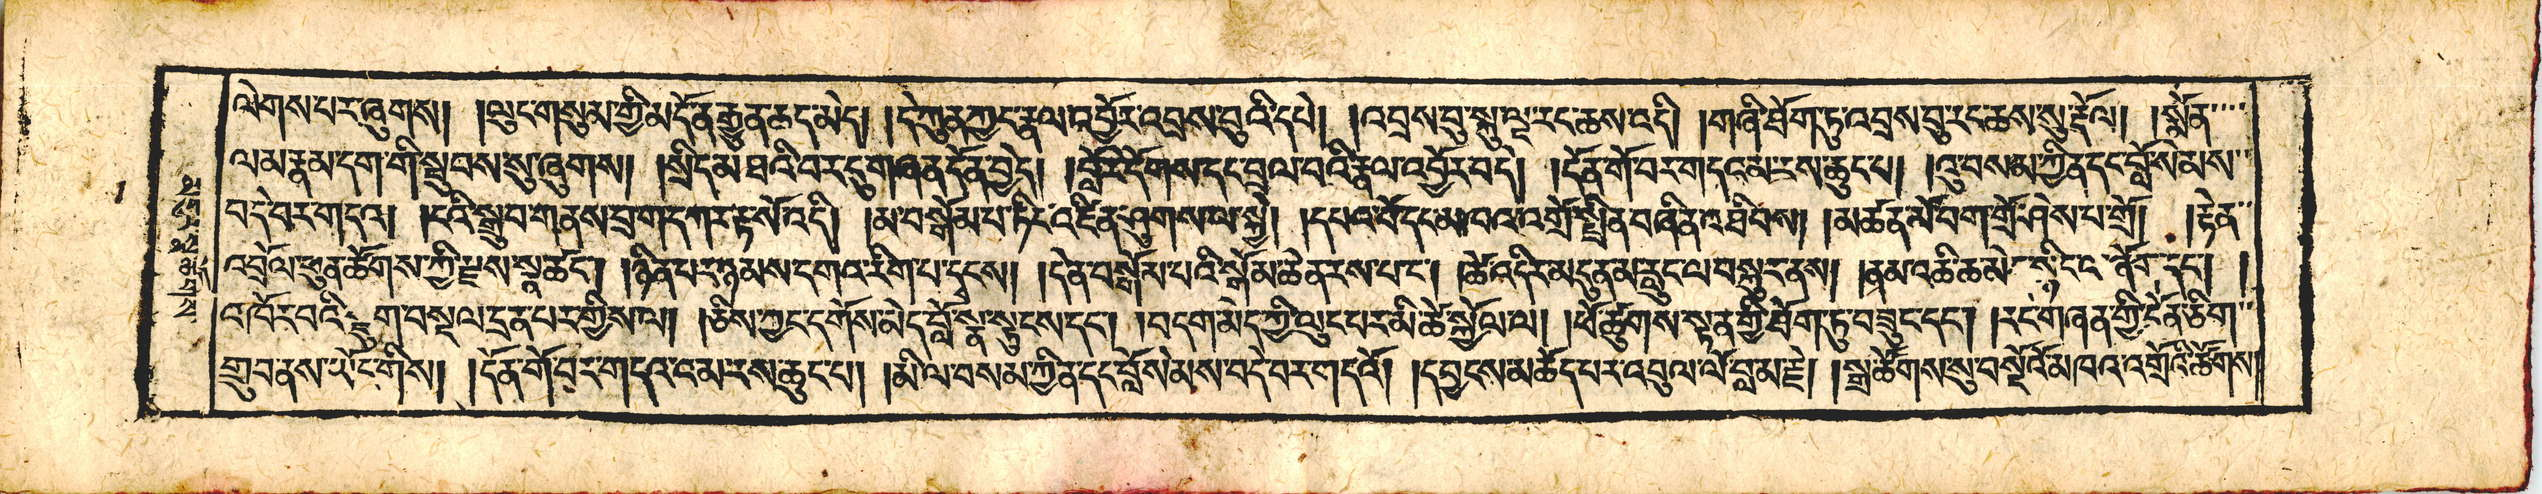ལའི་ལེགས་པར་ཞུགས། །ལུང་གསུམ་གྱི་མདོ་ན་རྒྱུན་ཆད་མེད། །དེ་ཀུན་ཀྱང་རྣལ་འབྱོར་འབྲས་བུའི་དཔེ། །འབྲས་བུ་སྐུ་ལྔ་རང་ཆས་འདི། །གཞི་ཐོག་ཏུ་འབྲས་བུ་རང་ཆས་སུ་རྡོལ། །སྨོན་
ལམ་རྣམ་དག་གི་སྦུབས་སུ་ཞུགས། །སྲིད་མཐའི་བར་དུ་གཞན་དོན་བྱེད། །བློ་དོགས་དང་བྲལ་བའི་རྣལ་འབྱོར་བདེ། །དོན་གོ་བར་གདའ་འམ་རས་ཆུང་པ། །འུ་བསམ་ཀྱིན་དང་བློ་སེམས་
བདེ་བར་གདའ། །ངའི་སྒྲུབ་གནས་བྲག་དཀར་རྟ་སོ་འདི། །མ་བསྒོམ་པ་ཏིང་འཛིན་ཤུགས་ལ་སྐྱེ། །དཔའ་བོ་དང་མཁའ་འགྲོ་སྤྲིན་བཞིན་འཐིབས། །མཚན་མོ་བག་གྲོ་ཤེས་པ་གྲོ། །རྟེན་
འབྲེལ་ཕུན་ཚོགས་ཀྱི་རྫས་སྣ་ཚང་། །ཉིན་པར་ཉམས་དགའ་རིག་པ་དྭངས། །དོན་བསྒོམ་པའི་སྒོམ་ཆེན་རས་པ་ང་། །ཚེ་འདིར་མདུན་མ་རླུང་ལ་བསྐུར་ནས། །ནམ་འཆི་ཆ་མེད་སྙིང་ལ་ཞོག་དང་། །
འཁོར་བའི་སྡུག་བསྔལ་དྲན་པར་གྱིས་ལ། །ཅིས་ཀྱང་དགོས་མེད་བློ་སྣ་སྟུངས་དང་། །བདག་མེད་ཀྱི་ལུང་པར་མི་ཚེ་སྐྱོལ་ལ། །ཕོ་ཚུགས་སྟན་གྱི་ཐོག་ཏུ་བཟུང་དང་། །རང་གཞན་གྱི་དོན་ཅིག་
གྲུབ་ནས་ཡོང་གིས། །དོན་གོ་བར་གདའ་འམ་རས་ཆུང་པ། །མི་ལ་བསམ་ཀྱིན་དང་བློ་སེམས་བདེ་བར་གདའོ། །དབྱངས་མཆོདཔར་འབུལ་ལོ་བླ་མ་རྗེ། །སྒྲ་ཚོགས་སུ་བསྔོའོ་མཁའ་འགྲོའི་ཚོགས།།